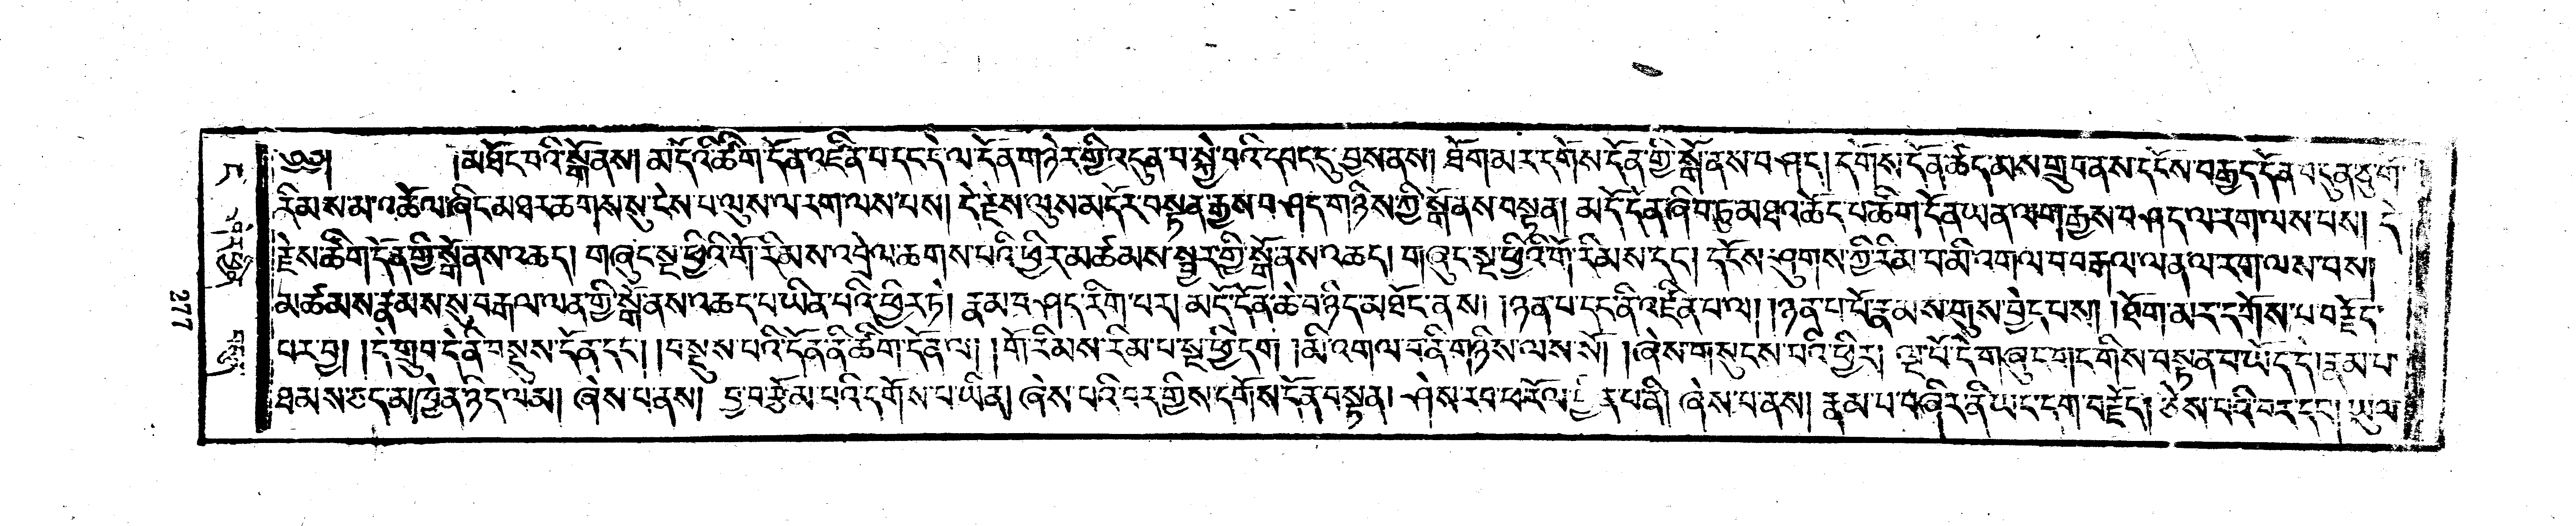༄༅། །མཐོང་བའི་སྒོ་ནས། མདོའི་ཚིག་དོན་འཛིན་པ་དང་དེ་ལ་དོན་གཉེར་གྱི་འདུན་པ་སྐྱེ་བའི་དབང་དུ་བྱས་ནས། ཐོག་མར་དགོས་དོན་གྱི་སྒོ་ནས་བཤད། དགོས་དོན་ཚད་མས་གྲུབ་ནས་དངོས་བརྒྱད་དོན་བདུན་ཅུ་གོ་
རིམས་མ་འཆོལ་ཞིང་མཐར་ཆགས་སུ་ངེས་པ་ལུས་ལ་རག་ལས་པས། དེ་རྗེས་ལུས་མདོར་བསྟན་རྒྱས་བཤད་གཉིས་ཀྱི་སྒོ་ནས་བསྟན། མདོ་དོན་ཞིབ་ཏུ་མཐའ་ཆོད་པ་ཚིག་དོན་ཡན་ལག་རྒྱས་བཤད་ལ་རག་ལས་པས། དེ་
རྗེས་ཚིག་དོན་གྱི་སྒོ་ནས་འཆད། གཞུང་སྔ་ཕྱིའི་གོ་རིམས་འབྲེལ་ཆགས་པའི་ཕྱིར་མཚམས་སྦྱར་གྱི་སྒོ་ནས་འཆད། གཞུང་སྔ་ཕྱིའི་གོ་རིམས་དང་། དངོས་ཤུགས་ཀྱི་རིམ་པ་མི་འགལ་བ་བརྒལ་ལན་ལ་རག་ལས་པས།
མཚམས་རྣམས་སུ་བརྒལ་ལན་གྱི་སྒོ་ནས་འཆད་པ་ཡིན་པའི་ཕྱིར་ཏེ། རྣམ་བཤད་རིག་པར། མདོ་དོན་ཆེ་བ་ཉིད་མཐོང་ནས། །ཉན་པ་དང་ནི་འཛིན་པ་ལ། །ཉན་པ་པོ་རྣམས་གུས་བྱེད་པས། །ཐོག་མར་དགོས་པ་བརྗོད་
པར་བྱ། །དེ་གྲུབ་དེ་ནི་བསྡུས་དོན་དང་། །བསྡུས་པའི་དོན་ནི་ཚིག་དོན་ལ། །གོ་རིམས་རིམ་པ་སྔ་ཕྱི་དག །མི་འགལ་བ་ནི་གཉིས་ལས་སོ། །ཞེས་གསུངས་པའི་ཕྱིར། ལྔ་པོ་དེ་གཞུང་གང་གིས་བསྟན་པ་ཡོད་དེ། རྣམ་པ་
ཐམས་ཅད་མཁྱེན་ཉིད་ལམ། ཞེས་པ་ནས། བྱ་བ་རྩོམ་པའི་དགོས་པ་ཡིན། ཞེས་པའི་བར་གྱིས་དགོས་དོན་བསྟན། ཤེས་རབ་ཕ་རོལ་ཕྱིན་པ་ནི། ཞེས་པ་ནས། རྣམ་པ་བཞིར་ནི་ཡང་དག་བརྗོད། ཅེས་པའི་བར་དང་། ཡུལ་